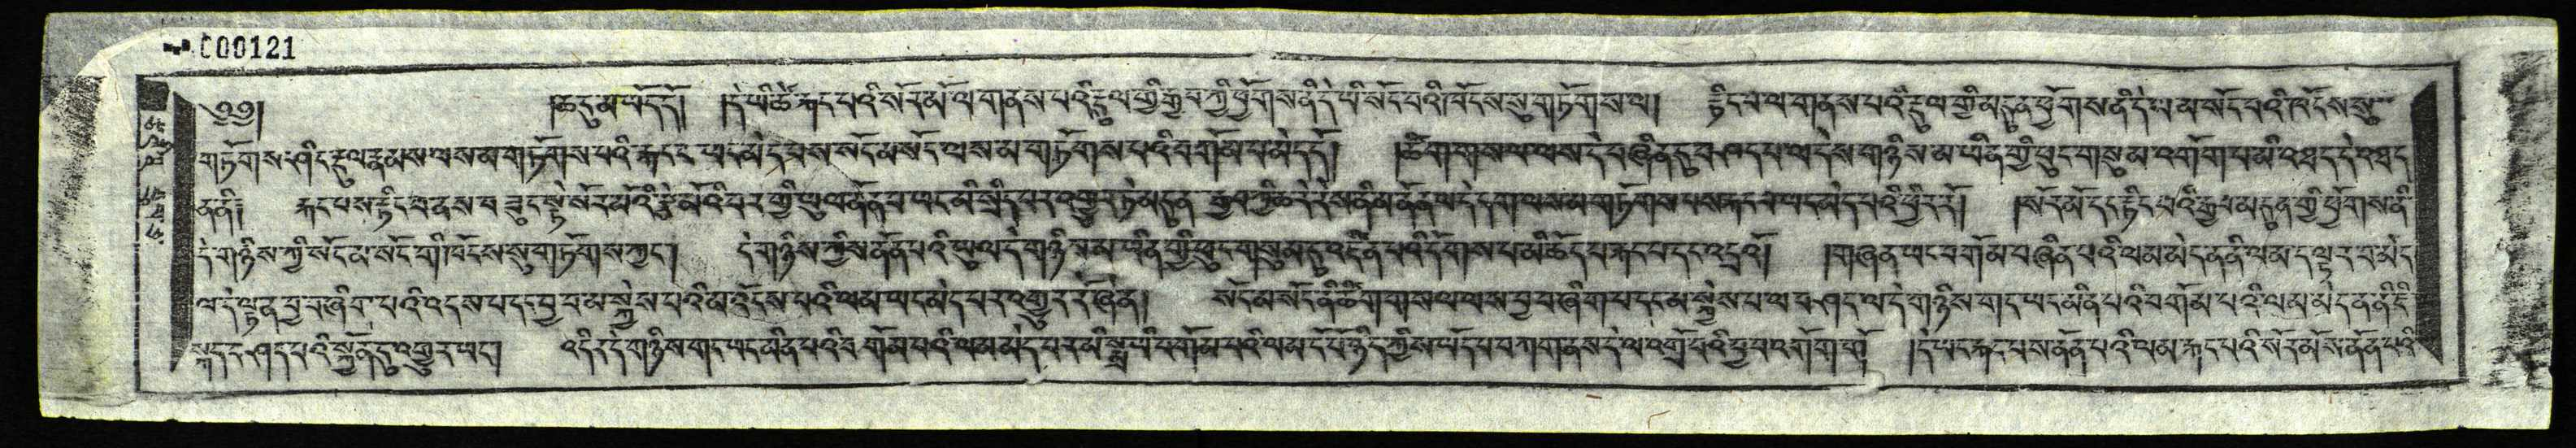༄༅། །ཆ་དུ་མ་ཡོད་དོ། །དེ་ཡི་ཚེ་རྐང་པའི་སོར་མོ་ལ་གནས་པའི་རྡུལ་གྱི་རྒྱབ་ཀྱི་ཕྱོགས་ནི་དེ་ཡི་སོང་བའི་ཁོངས་སུ་གཏོགས་ལ། རྟིང་བ་ལ་གནས་པའི་རྡུལ་གྱི་མདུན་ཕྱོགས་ནི་དེ་ལ་མ་སོང་བའི་ཁོངས་སུ་
གཏོགས་ཤིང་རྡུལ་རྣམས་ལས་མ་གཏོགས་པའི་རྐང་པ་ཡང་མེད་པས་སོང་མ་སོང་ལས་མ་གཏོགས་པའི་བགོམ་པ་མེད་དོ། །ཚིག་གསལ་ལས་དེ་བཞིན་དུ་བཤད་པ་ལ་དེས་གཉིས་མ་ཡིན་གྱི་ཕུང་གསུམ་འགོག་པ་མི་འཐད་དེ་འཐད་
ན་ནི༑ རྐང་པས་རྟིང་བ་ནས་བཟུང་སྟེ་སོར་མོའི་རྩེ་མོའི་བར་གྱི་ཡུལ་ནོན་པ་ཡང་མི་སྲིད་པར་འགྱུར་ཏེ་མདུན་རྒྱབ་ཀྱི་ཆ་རེ་རེས་ནི་མནོན་ལ་དེ་དག་ལས་མ་གཏོགས་པས་རྐང་པ་ཡང་མེད་པའི་ཕྱིར་རོ། །སོར་མོ་དང་རྟིང་བའི་རྒྱབ་མདུན་གྱི་ཕྱོགས་ནི་
དེ་གཉིས་ཀྱི་སོང་མ་སོང་གི་ཁོངས་སུ་གཏོགས་ཀྱང་། དེ་གཉིས་ཀྱིས་ནོན་པའི་ཡུལ་དེ་གཉིས་མ་ཡིན་གྱི་ཕུང་གསུམ་དུ་འཛིན་པའི་དོགས་པ་མི་ཆོད་པ་རྐང་པ་དང་འདྲའོ། །གཞན་ཡང་བགོམ་བཞིན་པའི་ལམ་མེད་ན་ནི་ལམ་ད་ལྟར་བ་མེད་
ལ་དེ་ལྟ་ན་བྱ་བ་ཞིག་པའི་འདས་པ་དང་བྱ་བ་མ་སྐྱེས་པའི་མ་འོངས་པའི་ལམ་ཡང་མེད་པར་འགྱུར་རོ་ཞེ་ན། སོང་མ་སོང་ནི་ཚིག་གསལ་ལས་བྱ་བ་ཞིག་པ་དང་མ་སྐྱེས་པ་ལ་བཤད་ལ་དེ་གཉིས་གང་ཡང་མིན་པའི་བགོམ་པའི་ལམ་མེད་ན་ནི་ཇི་
སྐད་བཤད་པའི་སྐྱོན་དུ་འགྱུར་ཡང་། འདིར་དེ་གཉིས་གང་ཡང་མིན་པའི་བགོམ་པའི་ལམ་མེད་པར་མི་སྨྲ་ཡི་བགོམ་པའི་ལམ་ངོ་བོ་ཉིད་ཀྱིས་ཡོད་པ་བཀག་ནས་དེ་ལ་འགྲོ་བའི་བྱ་བ་འགོག་གོ །དེ་ཡང་རྐང་པས་ནོན་པའི་ལམ་རྐང་པའི་སོར་མོས་ནོན་པའི་